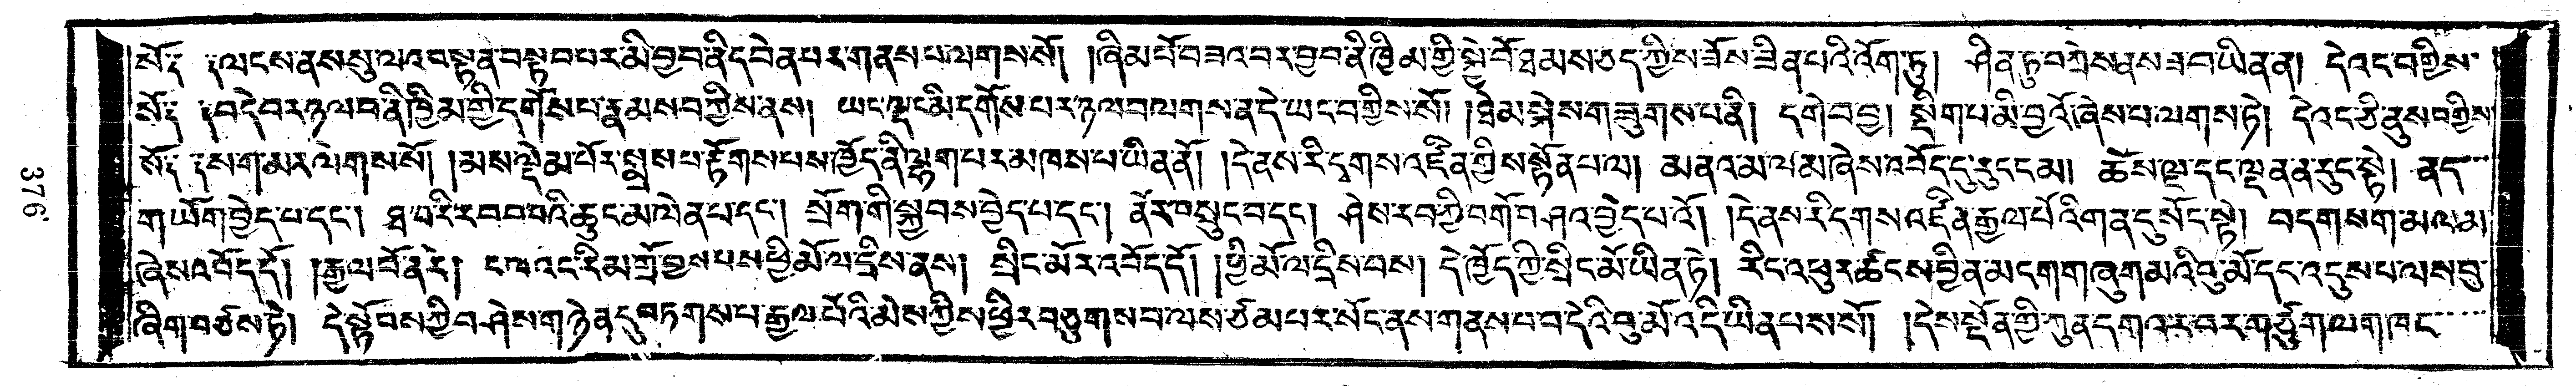སོ༑ ༑ལངས་ནས་སུ་ལའ་བསྟན་བསྟབ་པར་མི་བྱ་བ་ནི་དབེན་པར་གནས་པ་ལགས་སོ། །ཞིམ་པོ་བཟའ་བར་བྱ་བ་ནི་ཁྱིམ་གྱི་སྐྱེ་བོ་ཐམས་ཅད་ཀྱིས་ཟོས་ཟིན་པའི་འོག་ཏུ། ཤིན་ཏུ་བཀྲེས་ནས་ཟ་བ་ཡིན་ན། དེའང་བགྱིས་
སོ༑ ༑བདེ་བར་ཉལ་བ་ནི་ཁྱིམ་གྱི་དགོས་པ་རྣམས་བཀྱིས་ནས། ཡང་ལྡང་མི་དགོས་པར་ཉལ་བ་ལགས་ན་དེ་ཡང་བགྱིས་སོ། །ཐེམ་སྐེས་གཟུགས་པ་ནི། དགེ་བ་བྱ། སྡིག་པ་མི་བྱའོ་ཞེས་པ་ལགས་ཏེ། དེའང་ཅི་ནུས་བགྱིས་
སོ༑ ༑ས་ག་མར་ལེགས་སོ། །མས་ལྡེམ་པོར་སྨྲས་པ་རྟོགས་པས་ཁྱོད་ནི་ལྷག་པར་མཁས་པ་ཡིན་ནོ། །དེ་ནས་རི་དྭགས་འཛིན་གྱིས་སྟོན་པ་ལ། མནའ་མ་ལམ་ཞེས་འབོད་དུ་རུང་ངམ། ཆོས་ལྔ་དང་ལྡན་ན་རུང་སྟེ། ནད་
གཡོག་བྱེད་པ་དང་། ཐ་བ་རི་རབ་བ་བའི་ཆུང་མ་ལེན་པ་དང་། སྲོག་གི་སྐྱབས་བྱེད་པ་དང་། ནོར་བསྲུང་བ་དང་། ཤེས་རབ་ཀྱི་བགོ་བཤའ་བྱེད་པ་འོ། །དེ་ནས་རི་དགས་འཛིན་རྒྱལ་པོའི་གན་དུ་སོང་སྟེ། བདག་སག་མ་ལམ་
ཞེས་འབོད་དོ། །རྒྱལ་པོ་ན་རེ། ང་ལའང་རིམ་གྲོ་བྱས་པས་ཕྱི་མོ་ལ་དྲིས་ནས། སྲིང་མོར་འབོད་དོ། །ཕྱི་མོ་ལ་དྲིས་པས། དེ་ཁྱོད་ཀྱི་སྲིང་མོ་ཡིན་ཏེ། རིང་འཕུར་ཚངས་བྱིན་མངག་གཞུག་མའི་བུ་མོ་དང་འདུས་པ་ལས་བུ་
ཞིག་བཙས་ཏེ། དེ་སྟོབས་ཀྱི་བཤེས་གཉེན་དུ་བཏགས་པ་རྒྱལ་པོའི་མེས་ཀྱིས་ཕྱིར་བཅུགས་པ་ལས་ཙམ་པར་སོང་ནས་གནས་པ་བ་དེའི་བུ་མོ་འདི་ཡིན་པས་སོ། །དེས་སྔོན་གྱི་ཀུན་དགའ་ར་བར་གཙུག་ལག་ཁང་